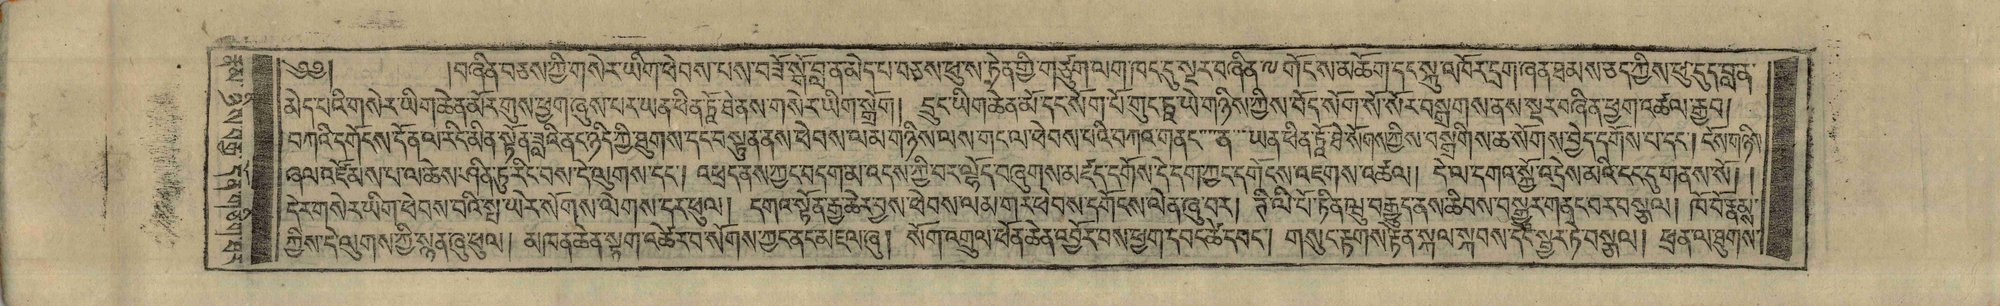༄༅། །བཞིན་བཅས་ཀྱི་གསེར་ཡིག་ཕེབས་པས་བཟོ་སྒོ་བླ་ན་མེད་པ་བཅས་ཕུ་ས་ཏེན་གྱི་གཙུག་ལག་ཁང་དུ་སྔར་བཞིན་༧གོང་ས་མཆོག་དང་སྐུ་འཁོར་དྲག་ཞན་ཐམས་ཅད་ཀྱིས་ཕུ་དུད་བླ་ན་
མེད་པའི་གསེར་ཡིག་ཆེན་མོར་གུས་ཕྱག་ཞུས་པར་ཡན་ཕིན་ཏO་ཐེ་ནས་གསེར་ཡིག་སྒྲོག །དྲུང་ཡིག་ཆེན་མོ་དང་སོག་པོ་གུང་ཏཱ་ཡེ་གཉིས་ཀྱིས་བོད་སོག་སོ་སོར་བསྒྲགས་ནས་སྔར་བཞིན་ཕྱག་འཚལ་རྒྱབ།
བཀའི་དགོངས་དོན་ལ་རིང་མིན་སྟོན་ཟླའི་ནང་ཉིད་ཀྱི་ཐུགས་དང་བསྟུན་ནས་ཕེབས་ལམ་གཉིས་ལས་གང་ལ་ཕེབས་པའི་བཀའ་གནང་ན་ཡན་ཕིན་ཏO་ཐེ་སོགས་ཀྱིས་བསྒྲིགས་ཆ་སོགས་བྱེད་དགོས་པ་དང་། ངོས་གཉིས་
ཞལ་འཛོམས་པ་ལ་ཆེས་ཤིན་ཏུ་རིང་བས་དེ་ལུགས་དང་། འཕྲད་ནས་ཀྱང་བདག་མ་འདས་ཀྱི་བར་ལྷོད་བཞུགས་མཛད་དགོས་དེ་དག་ཀྱང་དགོངས་འཇགས་འཚལ། དེ་ལ་དགའ་སྐྱོ་འདྲེས་མའི་ངང་དུ་གནས་སོ། །
དེར་གསེར་ཡིག་ཕེབས་པའི་སྦ་ཡེར་སོགས་ལེགས་དར་ཕུལ། དགའ་སྟོན་རྒྱ་ཆེར་བྱས་ཕེབས་ལམ་གར་ཕེབས་དགོངས་ལེན་ཞུ་བར། ཊི་ལི་པོ་ཏིན་ཝུ་བརྒྱུད་ནས་ཆིབས་བསྒྱུར་གནང་བར་བསྩལ། ཁོ་བོ་རྣམས་
ཀྱིས་དེ་ལུགས་ཀྱི་སྙན་ཞུ་ཕུལ། མཁན་ཆེན་སྟག་འཚེར་བ་སོགས་ཀྱང་ནང་མཇལ་ཞུ། སོག་འགྲུལ་ཕོན་ཆེན་འབྱོར་བས་ཕྱག་དབང་ཚེ་དབང་། གསུང་རྟགས་རྟེན་སྐལ་སྐབས་དང་སྦྱར་ཏེ་བསྩལ། ཕྲན་ལ་ཐུགས་